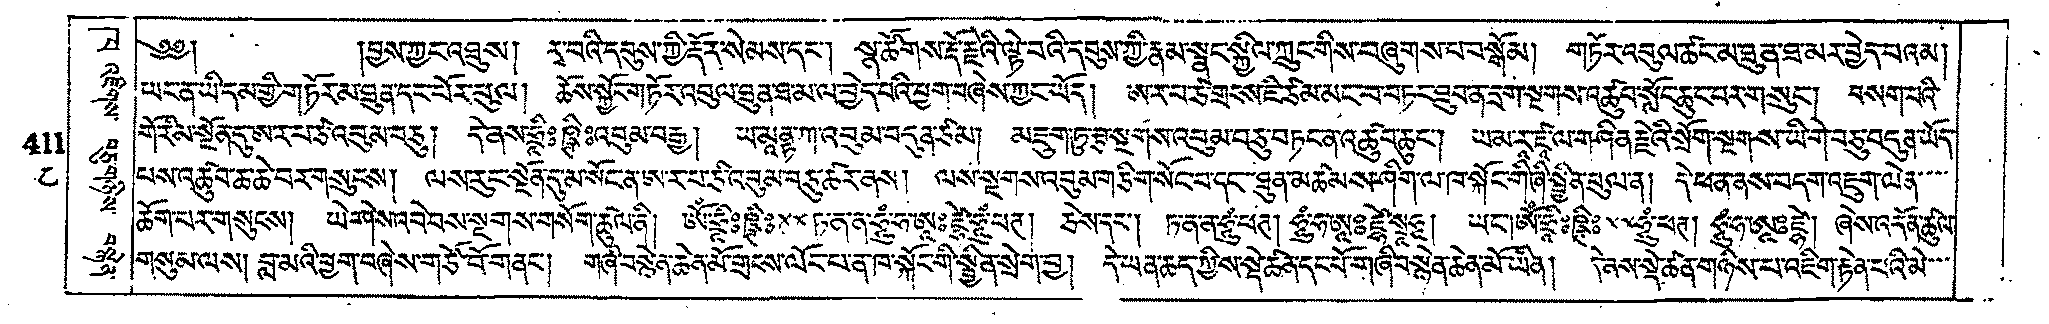༄༅། །བྱས་ཀྱང་འཐུས། རྭ་བའི་དབུས་ཀྱི་རྡོར་སེམས་དང་། སྣ་ཚོགས་རྡོ་རྗེའི་ལྟེ་བའི་དབུས་ཀྱི་རྣམ་སྣང་སྐྱིལ་ཀྲུང་གིས་བཞུགས་པ་བསྒོམ། གཏོར་འབུལ་ཚང་མ་ཐུན་ཐ་མར་བྱེད་པའམ།
ཡང་ན་ཡི་དམ་གྱི་གཏོར་མཐུན་དང་པོར་ཕུལ། ཆོས་སྐྱོང་གཏོར་འབུལ་ཐུན་ཐ་མ་ལ་བྱེད་པའི་ཕྱག་བཞེས་ཀྱང་ཡོད། ཨ་ར་པ་ཙ་གྲངས་ཇི་ཙམ་མང་བ་བཏང་ཐུབ་ན་དྲག་སྔགས་འཚུབ་སློང་ཆུང་བར་གསུང་། བསག་པའི་
གོ་རིམ་སྔོན་དུ་ཨ་ར་པ་ཙ་འབུམ་བཅུ། དེ་ནས་ཧྲཱིཿཥརཊིཿའབུམ་བརྒྱ། ཡ་མཱཎྟ་ཀ་འབུམ་བདུན་ཙམ། མཇུག་ཏུ་རྩ་སྔགས་འབུམ་བཅུ་བཏང་ན་འཚུབ་ཆུང་། ཡ་མ་རཱ་ཛཱ་ལ་གཤིན་རྗེའི་སྲོག་སྔགས་ཡི་གེ་བཅུ་བདུན་ཡོད་
པས་འཚུབ་ཆ་ཆེ་བར་གསུངས། ལས་རུང་སྔོན་དུ་མ་སོང་ན་ཨ་ར་པ་ཙ་འབུམ་བཅུ་ཚར་ནས། ལས་སྔགས་འབུམ་གཅིག་སོང་བ་དང་ཐུན་མཚམས་ཤིག་ལ་ཁ་སྐོང་གི་ཞི་སྦྱིན་ཕུལ་ན། དེ་ཕན་ནས་བདག་འཇུག་ལེན་་་
ཆོག་པར་གསུངས། ཡེ་ཤེས་འབེབས་སྔགས་གསོག་ཚུལ་ནི། ཨོཾ་ཧྲཱིཿཥརཊིཿ ྾་྾་ཏ་ན་ན་ཧཱུཾ་ཧ་ཨཱཿཛྷེ་ཧཱུཾ་ཕཊ། ཅེས་དང་། ཏ་ན་ན་ཧཱུཾ་ཕཊ། ཧཱུཾ་ཧ་ཨཱཿཛྷེ་སྭཱཧཱ། ཡང་། ཨོཾ་ཧྲཱིཿཥྚིཿ྾་྾་ཧཱུཾ་ཕཊ། ཧཱུཾ་ཧ་ཨཱཿཛྷེ། ཞེས་འདོན་ཚུལ་
གསུམ་ལས། བླ་མའི་ཕྱག་བཞེས་གཙོ་བོ་གནང་། གཞི་བསྙེན་ཆེན་མོ་གྲངས་ལོང་པ་ན་ཁ་སྐོང་གི་སྦྱིན་སྲེག་བྱ། དེ་ཡན་ཆད་ཀྱིས་སྡེ་ཚན་དང་པོ་གཞི་བསྙེན་ཆེན་མོ་ཡིན། དེ་ནས་སྡེ་ཚན་གཉིས་པ་འཇིག་རྟེན་པའི་མེ་་་